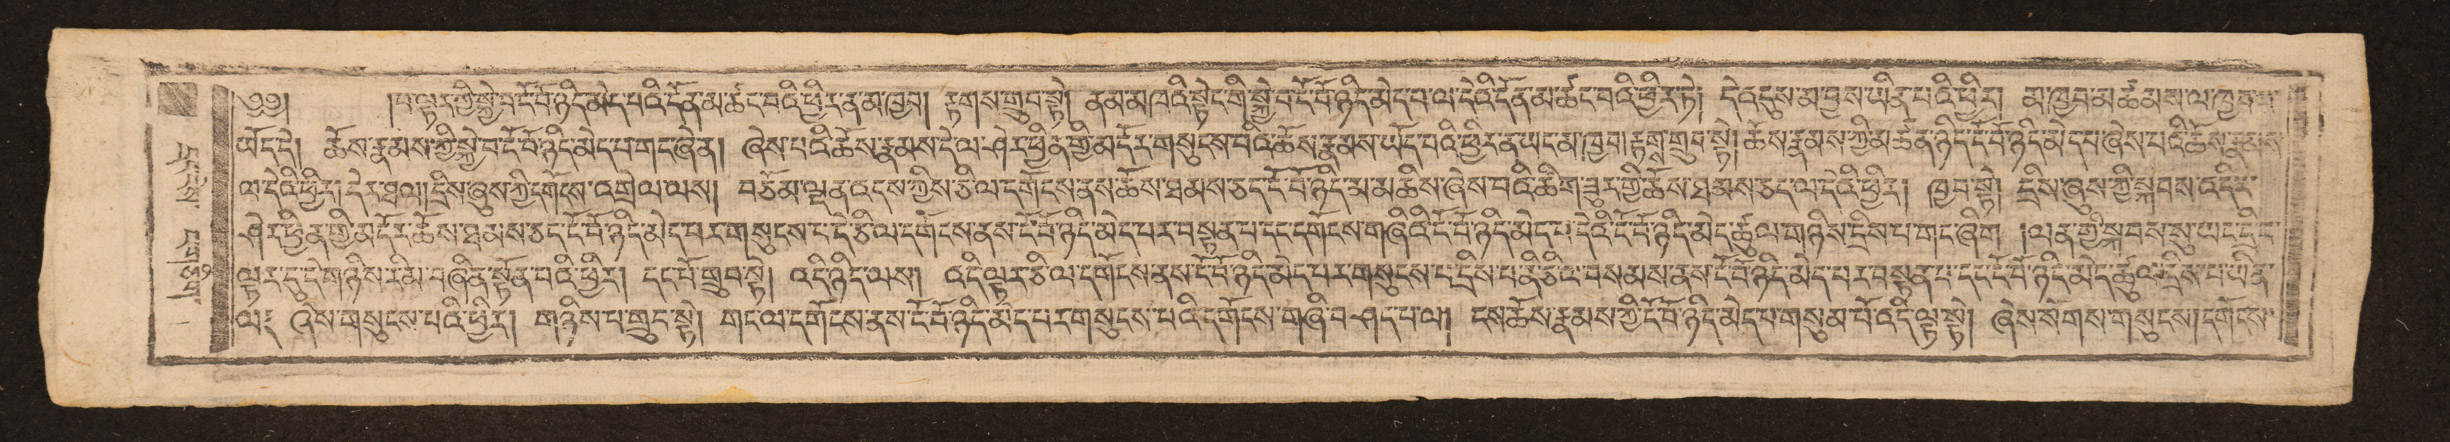༄༅། །པ་ལྟར་གྱི་སྐྱེ་བ་ངོ་བོ་ཉིད་མེད་པའི་དོན་མཚང་བའི་ཕྱིར་ན་མ་ཁྱབ། རྟགས་གྲུབ་སྟེ། ནམ་མཁའི་སྟེང་གི་སྐྱེ་བ་ངོ་བོ་ཉིད་མེད་པ་ལ་དེའི་དོན་མཚང་པའི་ཕྱིར་ཏེ། དེ་འདུས་མ་བྱས་ཡིན་པའི་ཕྱིར། མ་ཁྱབ་མ་ཚམས་ལ་ཁྱབ་པ་
ཡོད་དེ། ཆོས་རྣམས་ཀྱི་སྐྱེ་བ་ངོ་བོ་ཉིད་མེད་པ་གང་ཞེ་ན། ཞེས་པའི་ཆོས་རྣམས་དེ་ལ་ཤེར་ཕྱིན་གྱི་མདོར་གསུངས་པའི་ཆོས་རྣམས་ཡོད་པའི་ཕྱིར་ན་ཡང་མ་ཁྱབ། རྟགས་གྲུབ་སྟེ། ཆོས་རྣམས་ཀྱི་མཚན་ཉིད་ངོ་བོ་ཉིད་མེད་པ་ཞེས་པའི་ཆོས་རྣམས་
ལ་དེའི་ཕྱིར། དེར་ཐལ། དྲིས་ཞུས་ཀྱི་དགོངས་འགྲེལ་ལས། བཅོམ་ལྡན་འདས་ཀྱིས་ཅི་ལ་དགོངས་ནས་ཆོས་ཐམས་ཅད་ངོ་བོ་ཉིད་མ་མཆིས་ཞེས་པའི་ཚིག་ཟུར་གྱི་ཆོས་ཐམས་ཅད་ལ་དེའི་ཕྱིར། ཁྱབ་སྟེ། དྲིས་ཞུས་ཀྱི་སྐབས་འདིར་
ཤེར་ཕྱིན་གྱི་མདོར་ཆོས་ཐམས་ཅད་ངོ་བོ་ཉིད་མེད་པར་གསུངས་པ་དེ་ཅི་ལ་དགོངས་ནས་ངོ་བོ་ཉིད་མེད་པར་བསྟན་པ་དང་དགོངས་གཞིའི་ངོ་བོ་ཉིད་མེད་པ་དེའི་ངོ་བོ་ཉིད་མེད་ཚུལ་གཉིས་དྲིས་པ་གང་ཞིག །ལན་གྱི་སྐབས་སུ་ཡང་དྲི་བ་
ལྟར་དུ་དེ་གཉིས་རིམ་བཞིན་སྟོན་པའི་ཕྱིར། དང་པོ་གྲུབ་སྟེ། འདི་ཉིད་ལས། འདི་ལྟར་ཅི་ལ་དགོངས་ནས་ངོ་བོ་ཉིད་མེད་པར་གསུངས་པ་དྲིས་པ་ནི་ཅི་ལ་བསམས་ནས་ངོ་བོ་ཉིད་མེད་པར་བསྟན་པ་དང་ངོ་བོ་ཉིད་མེད་ཚུལ་དྲིས་པ་ཡིན་
ལ༑ ཞེས་གསུངས་པའི་ཕྱིར། གཉིས་པ་གྲུབ་སྟེ། གང་ལ་དགོངས་ནས་ངོ་བོ་ཉིད་མེད་པར་གསུངས་པའི་དགོངས་གཞི་བཤད་པ་ལ། ངས་ཆོས་རྣམས་ཀྱི་ངོ་བོ་ཉིད་མེད་པ་གསུམ་པོ་འདི་ལྟ་སྟེ། ཞེས་སོགས་གསུངས། དགོངས་